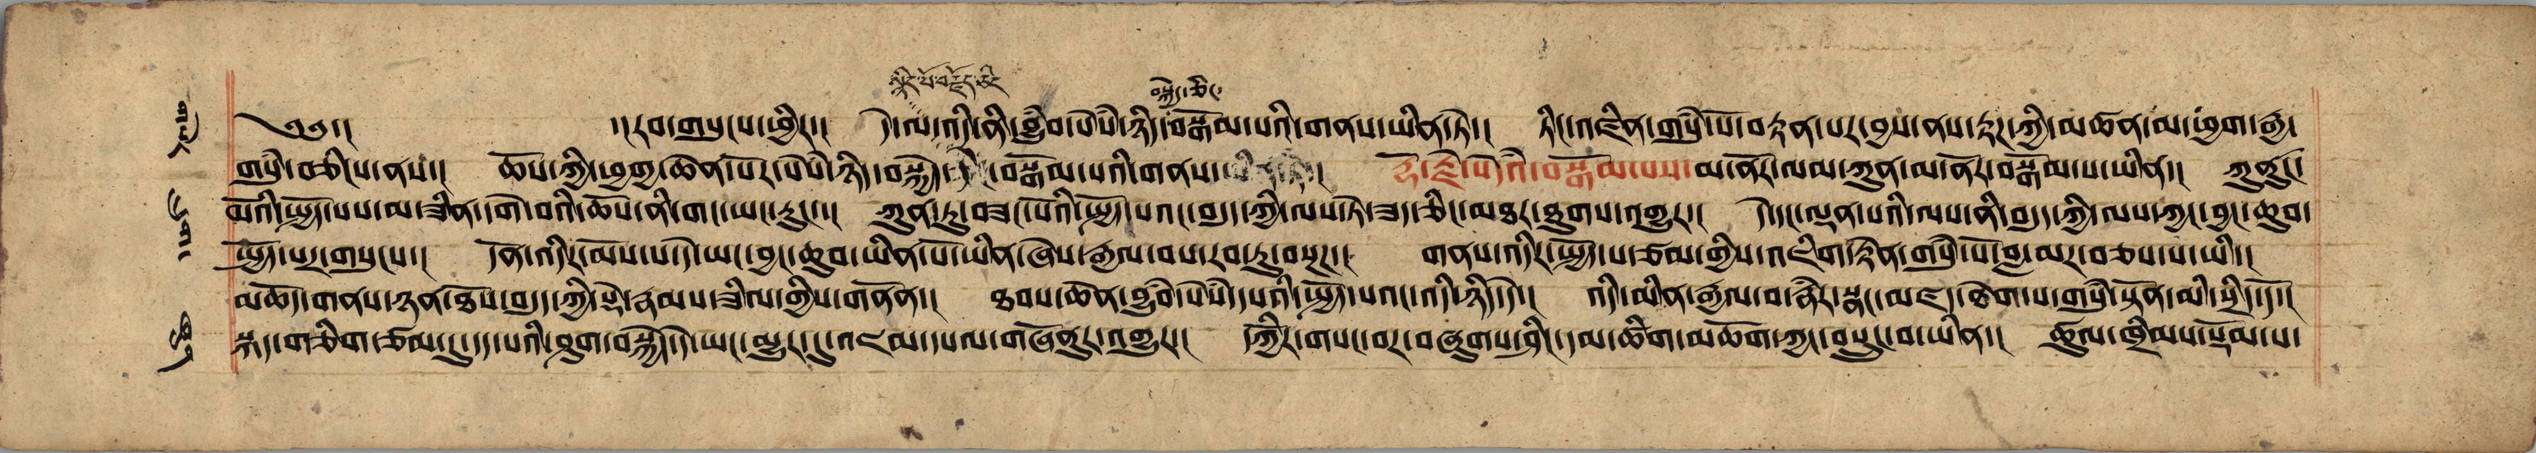༄༅་། ་།རབ་གསུངས་ཕྱིར་། དེ་ལ་འདི་ནི་བྱུཾབ་སེཾས་ཉིད་བསྒོམ་པའི་གནས་ཡིན་ཏེ་། ཏིང་འཛིན་གསུཾ་པོ་བརྟན་པར་བྱས་ནས་རྟཌ་ཀྱི་མཚན་མ་ཕྱག་རྒྱ་
གསུཾ་བཅིངས་ནས་། ཆོས་ཀྱི་ཕྱགྱ་ཆེན་པོར་སེཾས་ཉིད་བསྐྱེད་ཅིང་བསྒོམ་པའི་གནས་ཡིན་ཏེ་། རྡོ་རྗེ་སེདཾའ་བསྒོམ་པས་མ་ནོར་ལམ་ཀུན་མ་ནོར་བསྒོམ་པ་ཡིན་། ཀུནུང་
མོའི་སྤྱོད་པས་མ་ཟིན་དགེ་བའི་ཆོས་ནི་གང་ཡང་རུང་་། ཀུན་ཏུ་བཟང་པོའི་སྤྱོད་པའང་བདུད་ཀྱི་ལས་ཏེ་ཟད་ཅིང་མཐར་ཐུགས་འགྱུར་། དེ་དང་ལྡན་པའི་ལས་ནི་བདུད་ཀྱི་ལས་ཀྱང་བྱང་ཆུབ་
སྤྱོད་པར་གསུངས་། དོན་འདིར་མོས་པ་དེ་ཡང་བྱང་ཆུབ་ཡིན་པོ་ཡིན་ཞེས་རྒྱལ་བས་རབ་ཏུ་བསྔཌ་། གནས་འདིར་སྤྱོད་པ་ཙམ་གྱིས་འཇིག་རྟེན་གསུཾ་པོ་བླ་མར་བཅས་པ་ཡི་།
མཆོད་གནས་ཉན་ཐོས་བདུད་ཀྱི་སྡེ་རྣམས་ཟིལ་གྱིས་གནོན་། ཐབས་ཆེན་བྱུཾབ་སེཾས་དཔའི་སྤྱོད་པའང་འདི་ཉིད་དེ་། འདི་མིན་རྒྱལ་བ་རྣཾར་སྣང་མཛད་ཐེག་པ་གསུཾ་སྟོན་མི་སྲིད་དོ་།
སྐད་གཅིག་ཙམ་དུ་དད་པའི་ཤུག་བསྐྱེད་དེ་ཡང་མྱུར་དུ་འཇམ་དཔལ་གཞོནུར་འགྱུར་། དཀྱོིར་གསང་བར་བཞུགས་ཤིང་དམ་ཚིག་མཆོག་ཀྱང་བསྲུང་བ་ཡིན་། ཚུལ་ཁྲིམས་སྡོམ་པ་